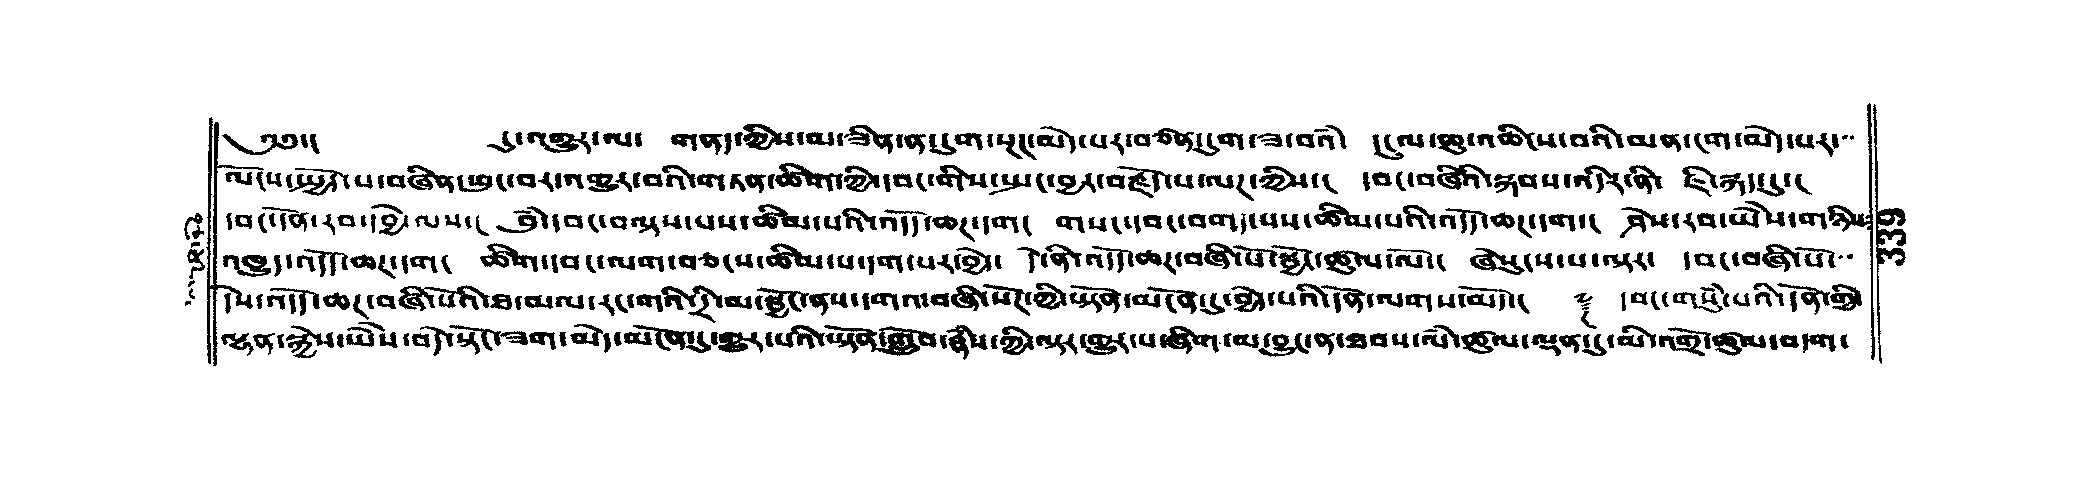དུ་འགྱུར་ལ། གནད་ཀྱིས་མ་ཟིན་ན་དུག་སྔགས་མེད་པར་བཙན་དུག་ཟ་བའམ། དངུལ་ཆུ་འཆིངས་བའི་མན་ངག་མེད་པར་
ལོངས་སྤྱོད་པ་བཞིན་ཕུང་བར་འགྱུར་བའི་གཏན་ཚིགས་ཀྱི་དབང་གིས་སྤང་བྱར་བརྗོད་པ་ལགས་ཀྱིས། དབང་བཞིའི་སྐབས་འདིར་ནི། ཇི་སྐད་དུ། 
དབང་དོན་རབ་དབྱེ་ལས། བུམ་དབང་བལྟས་པས་ཚིམ་པའི་འདོད་ཆགས་དག།གསང་དབང་རྒོད་པས་ཚིམ་པའི་འདོད་ཆགས་དག །ཤེས་རབ་ཡེ་ཤེས་གཉིས་
འཁྱུད་འདོད་ཆགས་དག །ཚིག་དབང་ལག་བཅངས་ཚིམ་པ་དག་པར་བྱེད། །དེ་ནི་འདོད་ཆགས་བཞི་པོ་སྦྱོང་ཚུལ་ལོ། ཞེས་གསུངས་པ་ལྟར། དབང་བཞི་པོ་
དེས་འདོད་ཆགས་བཞི་པོའི་ཐ་མལ་རང་གའི་དྲི་མ་སྦྱོང་ནས་དགའ་བཞི་སོགས་ཀྱི་ཡོན་ཏན་མངོན་དུ་བྱེད་པའི་དོན་ལགས་མོད། དབང་གསུམ་པའི་དོན་གྱི་
ལྷན་སྐྱེས་ཡེ་ཤེས་བདེ་སྟོང་ཟག་མེད་མངོན་དུ་གྱུར་པའི་ཡོན་ཏན་གྲུབ་ཐོབ་རྣམས་ཀྱི་ལྟར་གྱུར་པ་ཞིག་མ་བྱུང་ན་ཐབས་ལམ་ཚུལ་ལྡན་དུ་མི་འགྲོ་ཚུལ་བདག་